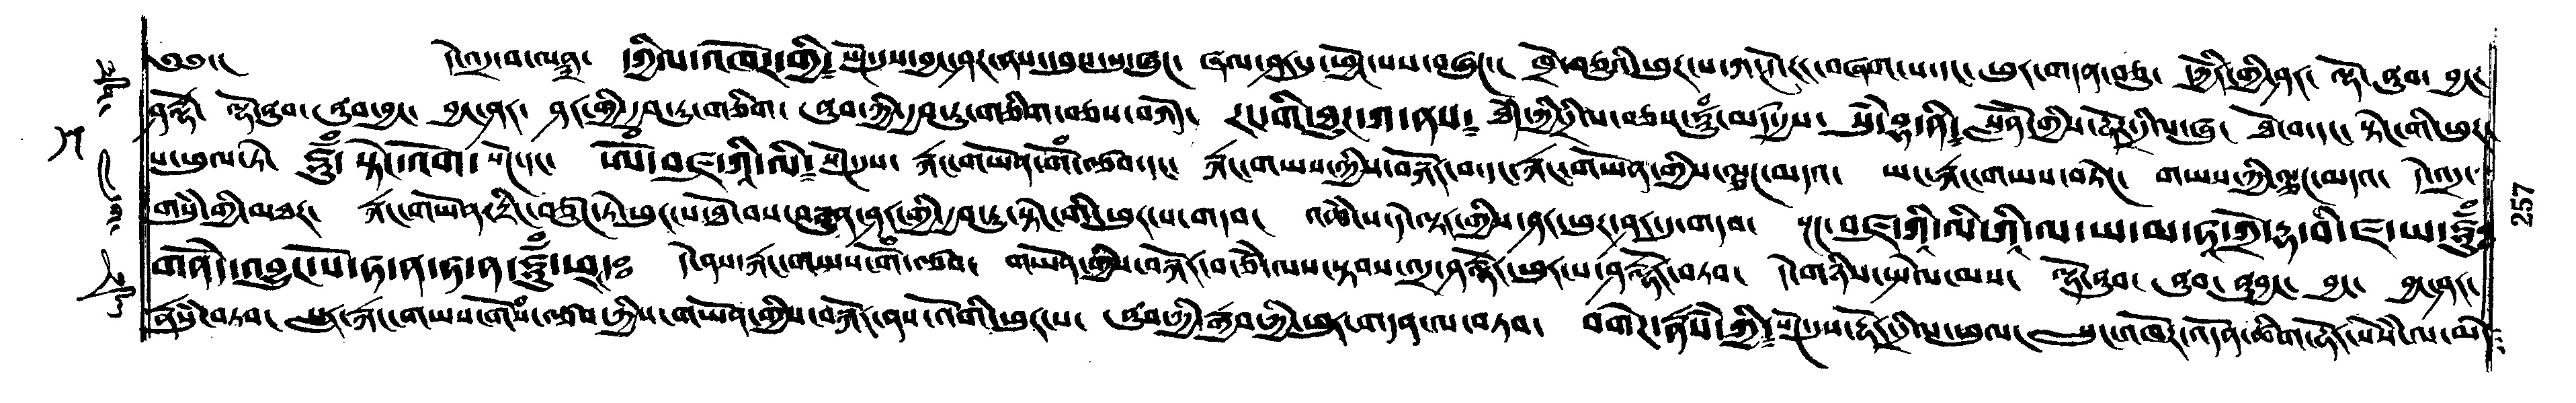དེ་འདྲ་བ་ལན་གསུམ། དཀྱིལ་འཁོར་གྱི༴ སོགས་ཀྱི་དུས་བྱང་ཤར་ནས་དབུས་སུ་ཞུགས་ལ་ཞལ་ཤར་དུ་ཕྱོགས་པས་བཞུགས། ཁྲོ་བཅུའི་ཕུར་པ་ཀ་ཏོ་རར་བཞག་པ་དང་ཕུར་གདན་བཅུ། དཀྱིལ་འཁོར་གྱི་ཤར། ལྷོ། ནུབ། བྱང་། 
ཤར་ལྷོ། ལྷོ་ནུབ། ནུབ་བྱང་། བྱང་ཤར། ཤར་གྱི་རྒྱབ་ཏུ་གཅིག ནུབ་གྱི་རྒྱབ་ཏུ་གཅིག་བཅས་འཁོད། རང་གི་ཐུགས་ཀ་ནས༴ ཐམས་ཅད་ཀྱིས་དྲིལ་བཅས་ཧཱུྃ་མཛད་རྒྱས། སུམ་བྷ་ནི༴ སློབ་དཔོན་གྱི་རྡོར་དྲིལ་ཞུ། ཐོ་བ་དང་ སྟེང་གི་ཕུར་
པ་ཕུལ་ཏེ། ཧཱུྃ། སྟེང་འོག༴ སོགས་དང་། ཨོཾ་བཛྲ་ཀི་ལི༴ སོགས་ཀྱི་དུས། རྐང་གཡོན་འགོམ་ཙམ་དང་། རྐང་གཡས་ཀྱིས་བསྐོར་བ། རྐང་གཡོན་གྱིས་ལྕགས་མདའ། ཡང་རྐང་གཡས་བཏེགས། གཡས་ཀྱི་ལྕགས་མདའ། དེ་འདྲ་
གསུམ་གྱི་མཐར། རྐང་གཡོན་གྱི་རྟིང་པ་བཙུགས་ཏེ་ཕུར་པ་ཐོ་བས་བསྣུན། ཤར་གྱི་རྒྱབ་ཏུ་སྟེང་གི་ཕུར་པ་གདབ། འཆམ་སྟབས་དེ་ལྟ་བུས་ཤར་ཕུར་ཤར་དུ་གདབ། སྔགས་བཛྲ་ཀཱི་ལི་ཀཱི་ལ་ཡ་མ་ཧཱ་ཀྲོ་དྷ་བི་ཛ་ཡ་ཧཱུྃཿ 
གནོད་བྱེད་འབྱུང་པོ་ཧ་ན་ཧ་ན་ཧཱུྃ་ཕཊཿ དེ་ནས་རྐང་གཡས་ཀྱིས་འགོམ་ཙམ་དང་། གཡོན་གྱི་བསྐོར་བ་ཙམ་ལས་སྟབས་འདྲས་ཤར་ལྷོའི་ཕུར་པ་ཤར་ལྷོར་གདབ། དེ་གཉིས་སྤེལ་མས། ལྷོ་ནུབ། ནུབ། ནུབ་བྱང་། བྱང་། བྱང་ཤར་། 
རྣམས་སུ་གདབ། སླར་རྐང་གཡས་འགོམ་ཙམ་གྱིས་གཡོན་གྱིས་བསྐོར་ནས་འོག་གི་ཕུར་པ།ནུབ་རྒྱབ་ཀྱི་ཕུར་གདན་ལ་གདབ། བགེགས་རྣམས་ཀྱི༴ སོགས་ཀྱི་དུས་རྡོར་དྲིལ་ཕུལ། སྲུང་འཁོར་འདོན་ཚིག་རྡོར་སེམས་ལ་མེད་